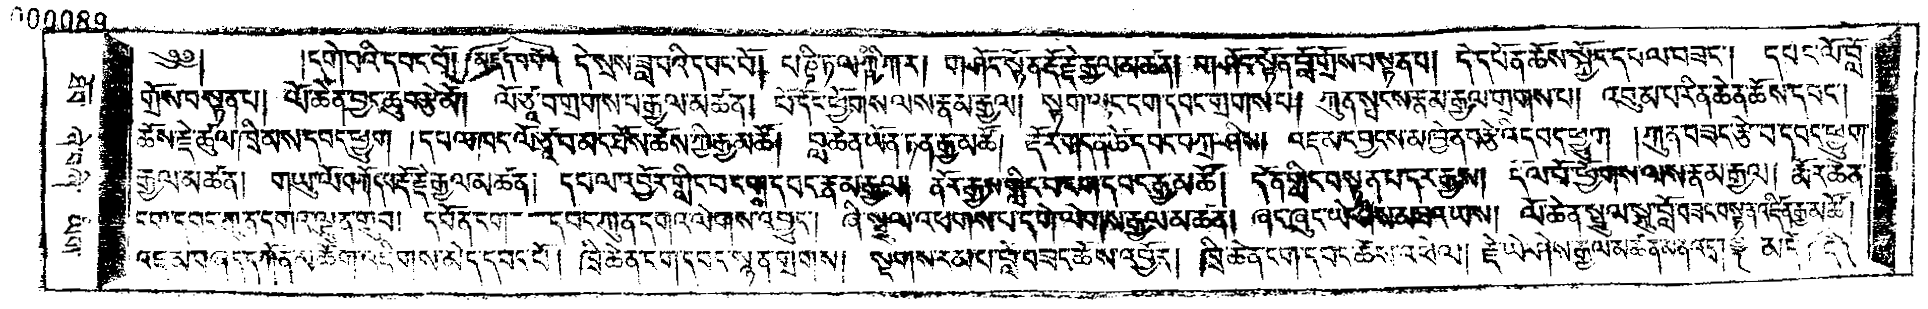༄༅། །དགེ་བའི་དབང་༼མཛད་པ་བོ༽་པོ། དེ་སྲས་ཟླ་བའི་དབང་བོ། པཎྜི་ཏ་ལཾཀྵི་ཀ་ར། གཤོང་སྟོན་རྡོ་རྗེ་རྒྱལ་མཚན། གཤོང་སྟོན་བློ་གྲོས་བསྟན་པ། དེ་དཔོན་ཆོས་སྐྱོང་དཔལ་བཟང་། དཔང་ལོ་བློ་
གྲོས་བསྟན་པ། ལོ་ཆེན་བྱང་ཆུབ་རྩེ་མོ། ལོ་ཙཱ་བ་གྲགས་པ་རྒྱལ་མཚན། པོ་དོང་ཕྱོགས་ལས་རྣམ་རྒྱལ། སྟག་ལུང་ངག་དབང་གྲགས་པ། ཀུན་སྤངས་རྣམ་རྒྱལ་གྲགས་པ། འབུམ་པ་རིན་ཆེན་ཆོས་དབང་།
ཆོས་རྗེ་ཚུལ་ཁྲིམས་དབང་ཕྱུག །དཔལ་ཁང་ལོ་ཙཱ་བ་མང་ཐོས་ཆོས་ཀྱི་རྒྱ་མཚོ། བླ་ཆེན་ཡོན་ཏན་རྒྱ་མཚོ། རྡོར་གདན་ཚེ་དབང་བཀྲ་ཤིས། འཇམ་དབྱངས་མཁྱེན་བརྩེའི་དབང་ཕྱུག །ཀུན་བཟང་རྩེ་བ་དབང་ཕྱུག་
རྒྱལ་མཚན། གཡུ་ལོ་བཀོད་པ་རྡོ་རྗེ་རྒྱལ་མཚན། དཔལ་འབྱོར་གླིང་བ་ངག་དབང་རྣམ་རྒྱལ། ནོར་རྒྱས་གླིང་བ་ངག་དབང་རྒྱ་མཚོ། དོན་གླིང་བསྟན་པ་དར་རྒྱས། དོལ་བོ་ཕྱོགས་ལས་རྣམ་རྒྱལ། རྨོར་ཆེན་
ངག་དབང་ཀུན་དགའ་ལྷུན་གྲུབ། དཔོན་ངག་དབང་ཀུན་དགའ་ལེགས་འབྱུང་། ཞི་སྤྲུལ་འཕགས་པ་དགེ་ལེགས་རྒྱལ་མཚན། ཞང་ཞུང་ཡེ་ཤེས་མཐའ་ཡས། ལོ་ཆེན་སྤྲུལ་སྐུ་བློ་བཟང་བསྟན་འཛིན་རྒྱ་མཚོ།
འཇམ་བཞད་དཀོན་མཆོག་འཇིགས་མེད་དབང་པོ། ཁྲི་ཆེན་ངག་དབང་སྙན་གྲགས། སྔགས་རམ་པ་བློ་བཟང་ཆོས་འབྱོར། ཁྲི་ཆེན་ངག་དབང་ཆོས་འཕེལ། རྗེ་ཡེ་ཤེས་རྒྱལ་མཚན་མན་འདྲ། ༈ མདོ ༼དེ༽